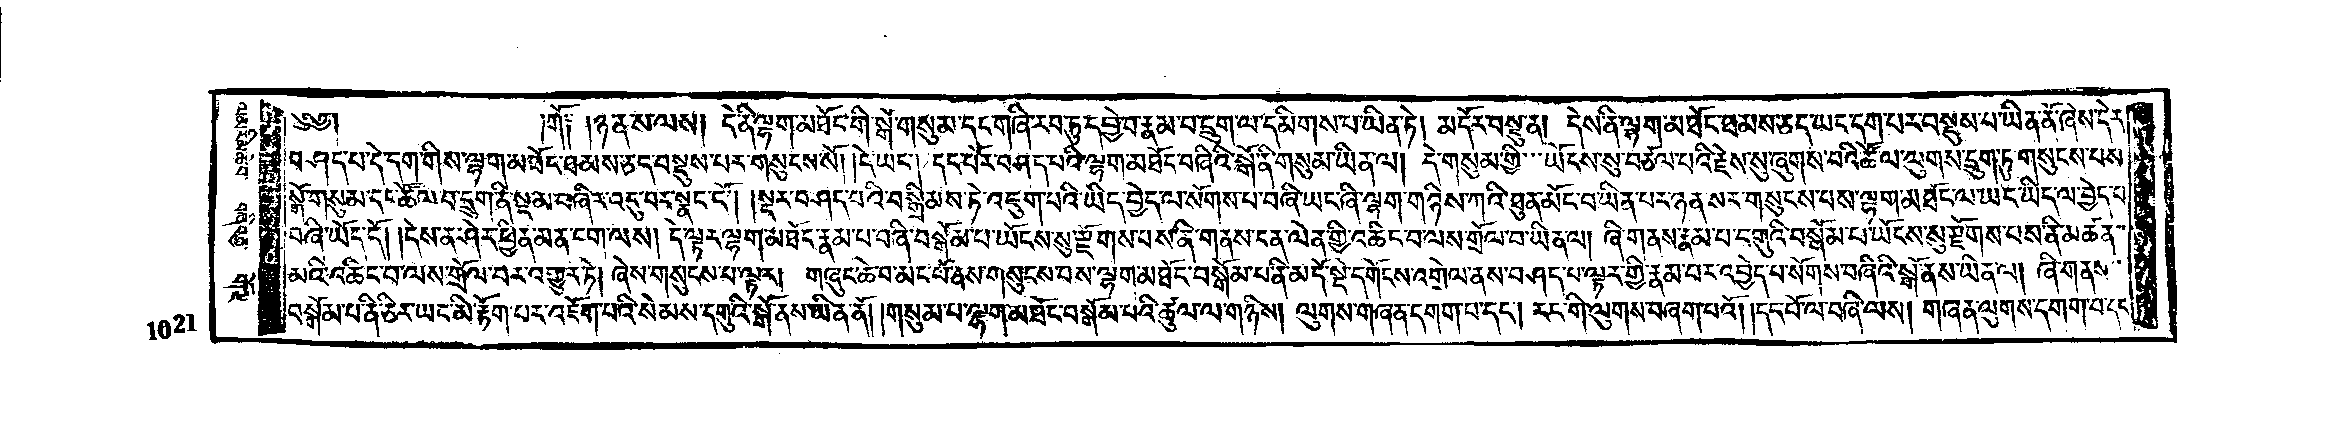༄༅། །གོ༑ ༑ཉན་ས་ལས། དེ་ནི་ལྷག་མཐོང་གི་སྒོ་གསུམ་དང་གཞི་རབ་ཏུ་དབྱེ་བ་རྣམ་པ་དྲུག་ལ་དམིགས་པ་ཡིན་ཏེ། མདོར་བསྡུ་ན། དེས་ནི་ལྷག་མཐོང་ཐམས་ཅད་ཡང་དག་པར་བསྡུས་པ་ཡིན་ནོ་ཞེས་དེར་
བཤད་པ་དེ་དག་གིས་ལྷག་མཐོང་ཐམས་ཅད་བསྡུས་པར་གསུངས་སོ། །དེ་ཡང་། དང་པོར་བཤད་པའི་ལྷག་མཐོང་བཞིའི་སྒོ་ནི་གསུམ་ཡིན་ལ། དེ་གསུམ་གྱི་ཡོངས་སུ་བཙལ་བའི་རྗེས་སུ་ཞུགས་པའི་ཚོལ་ལུགས་དྲུག་ཏུ་གསུངས་པས་
སྒོ་གསུམ་དང་ཚོལ་བ་དྲུག་ནི་སྔ་མ་བཞིར་འདུ་བར་སྣང་ངོ། །སྔར་བཤད་པའི་བསྒྲིམས་ཏེ་འཇུག་པའི་ཡིད་བྱེད་ལ་སོགས་པ་བཞི་ཡང་ཞི་ལྷག་གཉིས་ཀའི་ཐུན་མོང་བ་ཡིན་པར་ཉན་སར་གསུངས་པས་ལྷག་མཐོང་ལ་ཡང་ཡིད་ལ་བྱེད་པ་
བཞི་ཡོད་དོ། །དེས་ན་ཤེར་ཕྱིན་མན་ངག་ལས། དེ་ལྟར་ལྷག་མཐོང་རྣམ་པ་བཞི་བསྒོམ་པ་ཡོངས་སུ་རྫོགས་པས་ནི་གནས་ངན་ལེན་གྱི་འཆིང་བ་ལས་གྲོལ་བ་ཡིན་ལ། ཞི་གནས་རྣམ་པ་དགུའི་བསྒོམ་པ་ཡོངས་སུ་རྫོགས་པས་ནི་མཚན་
མའི་འཆིང་བ་ལས་གྲོལ་བར་འགྱུར་ཏེ། ཞེས་གསུངས་པ་ལྟར། གཞུང་ཆེ་བ་མང་པོ་ནས་གསུངས་པས་ལྷག་མཐོང་བསྒོམ་པ་ནི་མདོ་སྡེ་དགོངས་འགྲེལ་ནས་བཤད་པ་ལྟར་གྱི་རྣམ་པར་འབྱེད་པ་སོགས་བཞིའི་སྒོ་ནས་ཡིན་ལ། ཞི་གནས་
བསྒོམ་པ་ནི་ཅིར་ཡང་མི་རྟོག་པར་འཇོག་པའི་སེམས་དགུའི་སྒོ་ནས་ཡིན་ནོ། །གསུམ་པ་ལྷག་མཐོང་བསྒོམ་པའི་ཚུལ་ལ་གཉིས། ལུགས་གཞན་དགག་པ་དང་། རང་གི་ལུགས་བཞག་པའོ། །དང་པོ་ལ་བཞི་ལས། གཞན་ལུགས་དགག་པ་དང་